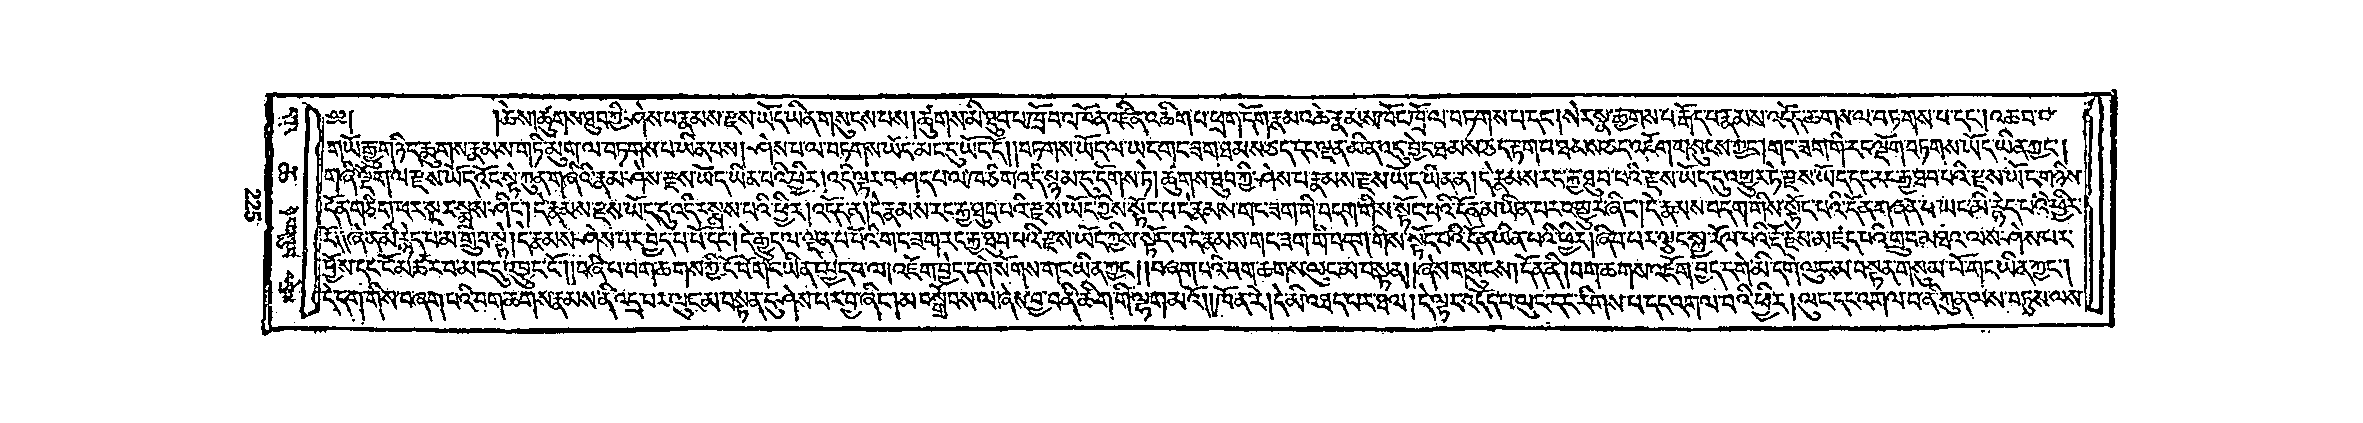༄༅། །ཆེས། ཚུགས་ཐུབ་ཀྱི་ཤེས་པ་རྣམས་རྫས་ཡོད་ཡིན་གསུངས་པས། ཚུགས་མི་ཐུབ་པ་ཁྲོ་བ་འཁོན་འཛིན་འཆིག་པ་ཕྲག་དོག་རྣམ་འཆེ་རྣམས་ཁོང་ཁྲོ་ལ་བཏགས་པ་དང་། སེར་སྣ་རྒྱགས་པ་རྒོད་པ་རྣམས་འདོད་ཆགས་ལ་བཏགས་པ་དང་། འཆབ་པ་
གཡོ་རྒྱུ་གཉིད་རྨུགས་རྣམས་གཏི་མུག་ལ་བཏགས་པ་ཡིན་པས། ཤེས་པ་ལ་བཏགས་ཡོད་མང་དུ་ཡོད་དོ། །བཏགས་ཡོད་ལ་ཡང་གང་ཟག་ཐམས་ཅད་དང་ལྡན་མིན་འདུ་བྱེད་ཐམས་ཅད་རྟག་པ་ཐམས་ཅད་འཇོག་གསུངས་ཀྱང་། གང་ཟག་གི་རང་ལྡོག་བཏགས་ཡོད་ཡིན་ཀྱང་།
གཞི་ལྡོག་ལ་རྫས་ཡོད་འོང་སྟེ་ཀུན་གཞིའི་རྣམ་ཤེས་རྫས་ཡོད་ཡིན་པའི་ཕྱིར། འདི་ལྟར་བཤད་པ་ལ་ཁ་ཅིག་འདི་སྙམ་དུ་དོགས་ཏེ། ཚུགས་ཐུབ་ཀྱི་ཤེས་པ་རྣམས་རྫས་ཡོད་ཡིན་ན། དེ་རྣམས་རང་རྐྱ་ཐུབ་པའི་རྫས་ཡོད་དུ་འགྱུར་ཏེ་རྫས་ཡོད་དང་རང་རྒྱ་ཐབ་པའི་རྫས་ཡོད་གཉིས་
དོན་གཅིག་ཕར་སྔར་སྨྲས་ཤིང་། དེ་རྣམས་རྫས་ཡོད་དུ་འདིར་སྨྲས་པའི་ཕྱིར། འདོད་ན། དེ་རྣམས་རང་རྐྱ་ཐུབ་པའི་རྫས་ཡོད་ཀྱིས་སྟོང་པ་དེ་རྣམས་གང་ཟག་གི་བདག་གིས་སྟོང་པའི་དོན་མ་ཡིན་པར་འགྱུར་ཞིང་། དེ་རྣམས་བདག་གིས་སྟོང་པའི་དོན་གཞན་པ་ཡང་མི་རྙེད་པའི་ཕྱིར་
རོ། །ཞེ་ན་མི་རྙེད་པ་མ་གྲུབ་སྟེ། དེ་རྣམས་ཤེས་པར་བྱེད་པ་པོ་དང་། དེ་རྒྱུད་ལ་ལྡན་པ་པོའི་གང་ཟག་རང་རྐྱ་ཐུབ་པའི་རྫས་ཡོད་ཀྱིས་སྟོང་པ་དེ་རྣམས་གང་ཟག་གི་བདག་གིས་སྟོང་པའི་དོན་ཡིན་པའི་ཕྱིར། ཞིབ་པར་ལྕང་སྐྱ་རོལ་པའི་རྡོ་རྗེས་མཛད་པའི་གྲུབ་མཐའ་ལས་ཤེས་པར་
ཕྱོས་དང་ངོ་མཚར་བ་མང་དུ་འབྱུང་ངོ། །བཞི་པ་བག་ཆགས་ཀྱི་ངོ་བོ་གང་ཡིན་དཔྱད་པ་ལ། འཇོག་བྱེད་དགེ་སོགས་གང་ཡིན་ཀྱང་། །བཞག་པའི་བག་ཆགས་ལུང་མ་བསྟན། །ཞེས་གསུངས། དོན་ནི། བག་ཆགས་འཇོག་བྱེད་དགེ་མི་དགེ་ལུང་མ་བསྟན་གསུམ་པོ་གང་ཡིན་ཀྱང་།
དེ་དག་གིས་བཞག་པའི་བག་ཆགས་རྣམས་ནི་འདྲ་བར་ལུང་མ་བསྟན་དུ་ཤེས་པར་བྱ་ཞིང་། མ་བསྒྲོབས་ལ་ཞེས་བྱ་བ་ནི་ཚིག་གི་ལྷག་མའོ། །ཁོ་ན་རེ། དེ་མི་འཐད་པར་ཐལ། དེ་ལྟར་འདོད་པ་ལུང་དང་རིགས་པ་དང་འགལ་བའི་ཕྱིར། ལུང་དང་འགལ་བ་ནི་ཀུན་ལས་བཏུས་ལས་